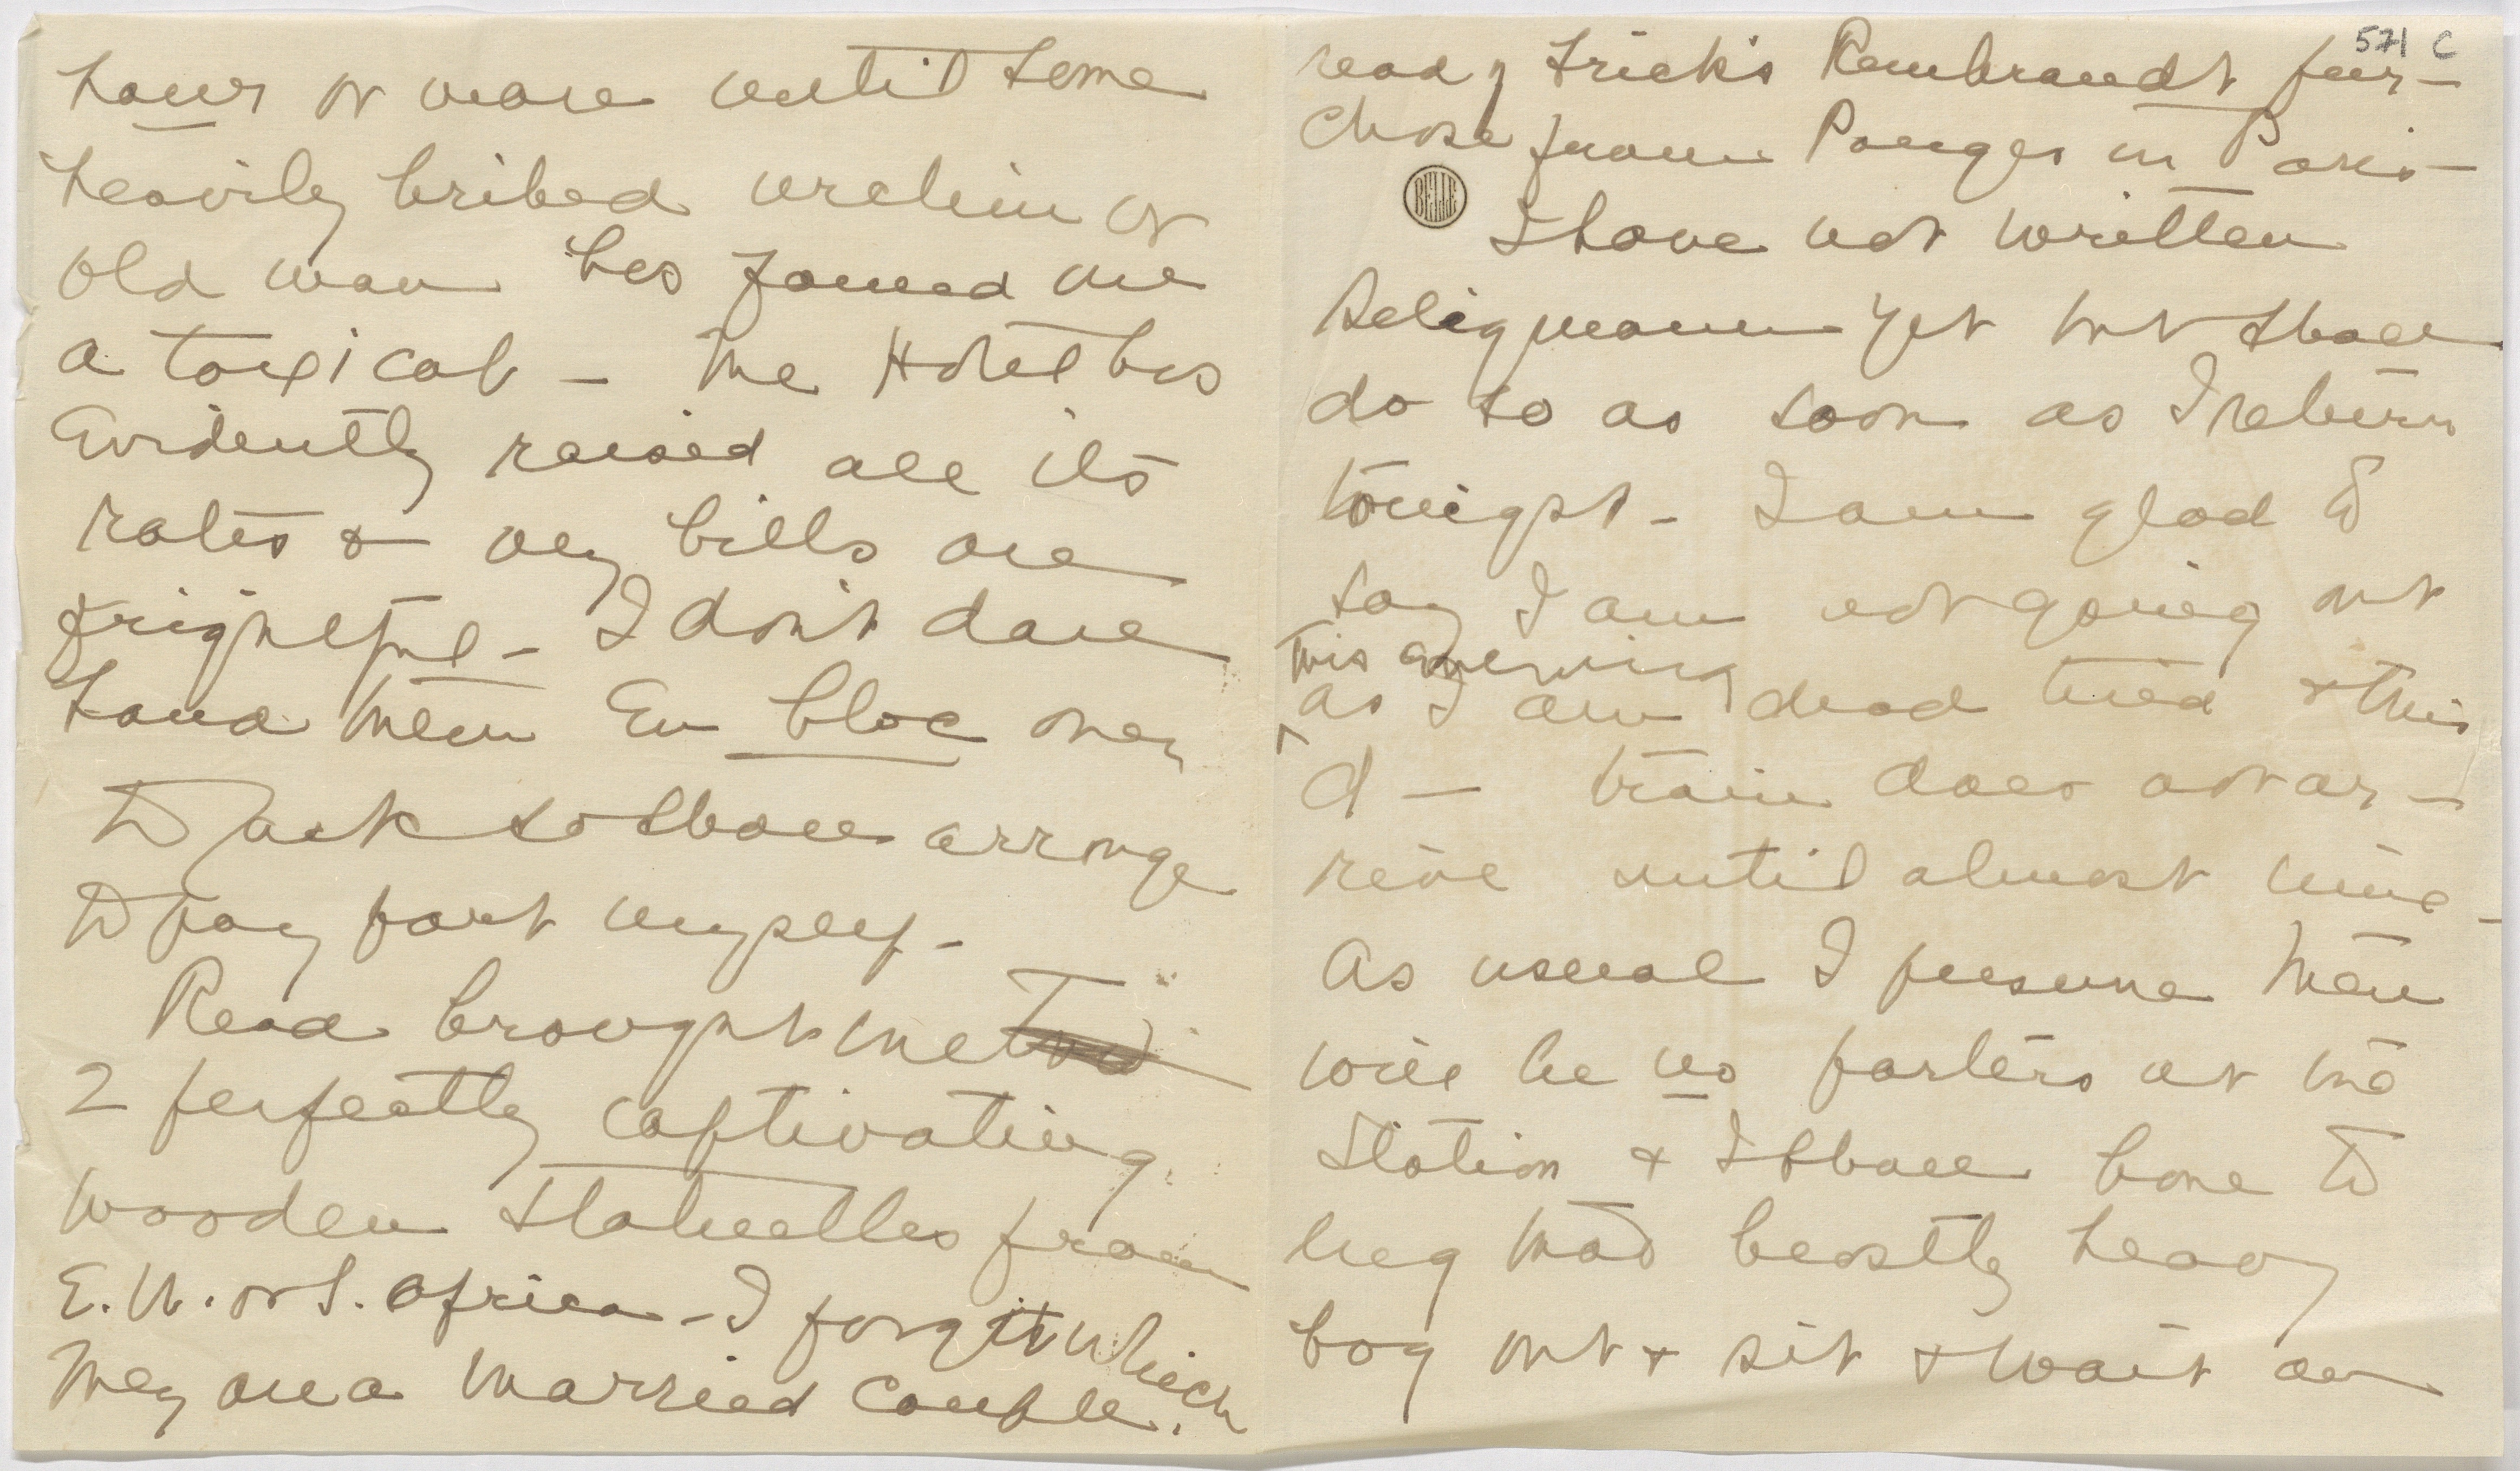read Frick’s Rembrandt purchase from Panges in Paris –
I have not written Seligmann yet but shall do so as soon as I return tonight – I am glad to say I am not going out [^this evening^] as I am dead tired & this d— train does not arrive until almost nine – as usual I presume there will be no porters at the station & I shall have to lug that beastly heavy bag out & sit & wait an
hour or more until some heavily bribed urchin or old man has found me a taxi cab – The hotel has evidently raised all its rates & my bills are frightful – I don’t dare send them en bloc over to Jack so I shall arrange to pay part myself –
Read brought me two 2 perfectly captivating wooden statuettes from E. N. or S. Africa – I forget which
They are a married couple.